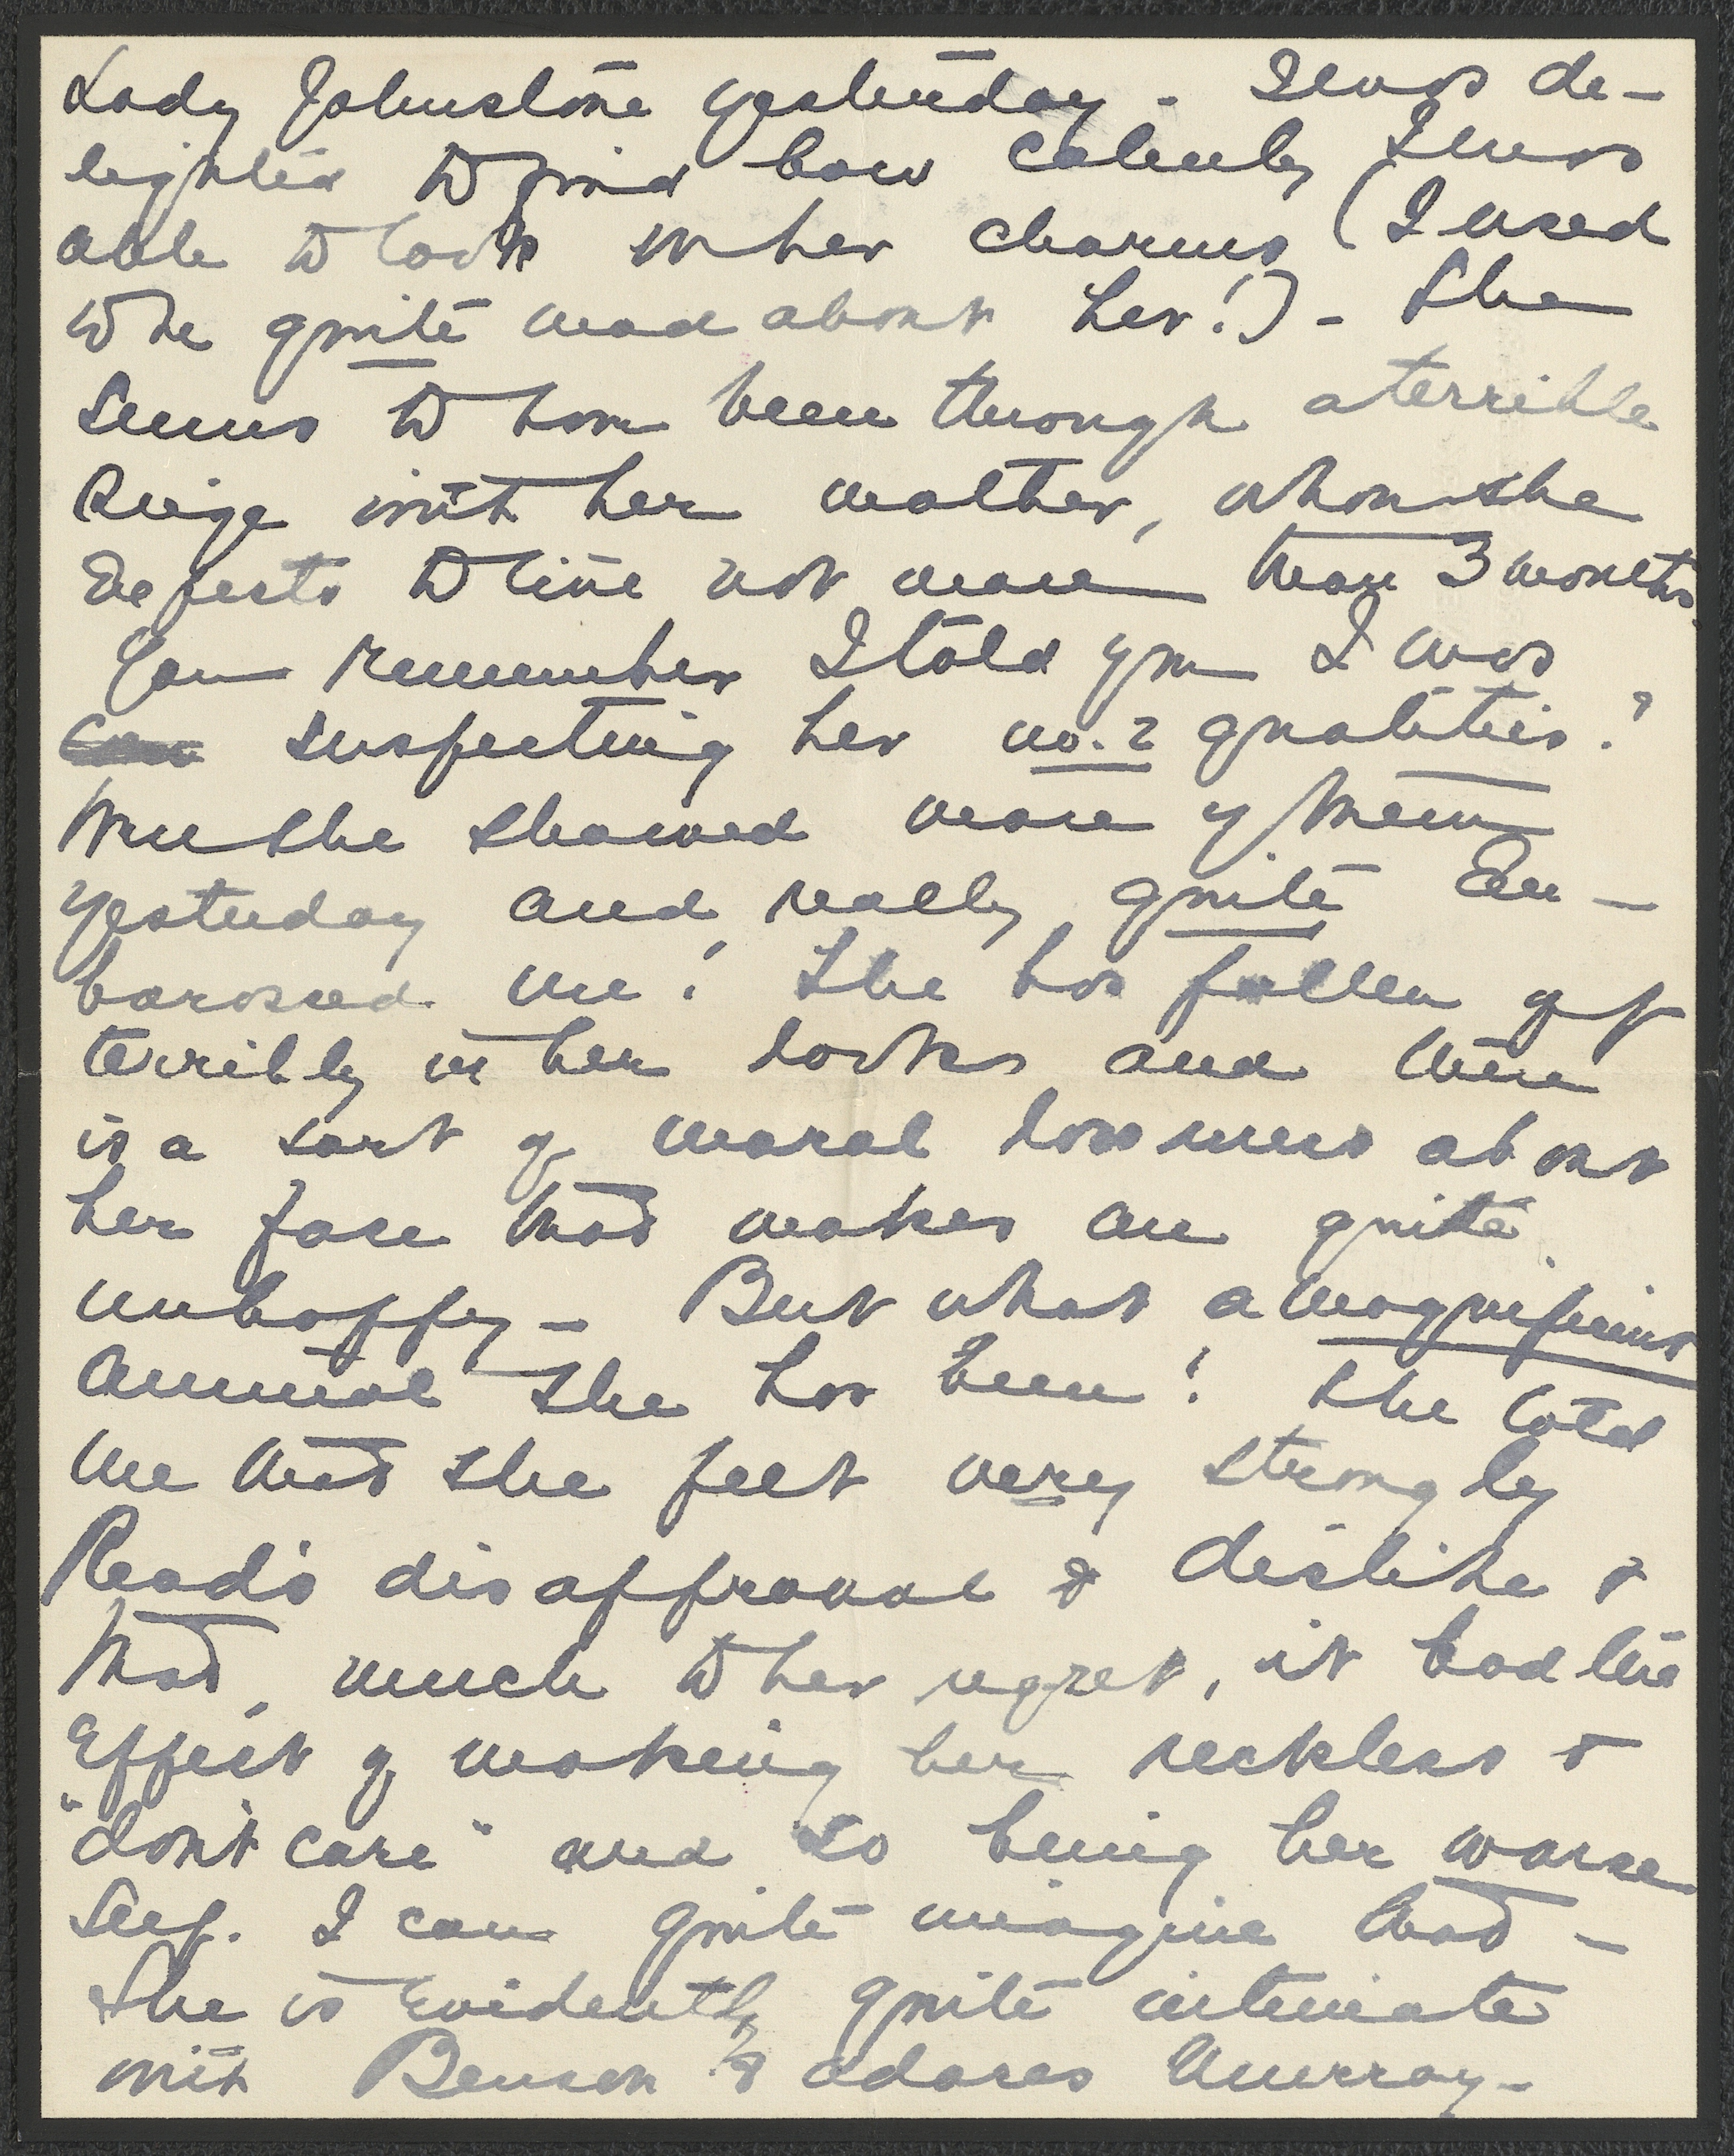Lady Johnstone yesterday – I was delighted to find how calmly I was able to look on her charms (I used to be quite mad about her!) – She seems to have been through a terrible siege with her mother, whom she expects to live not more than 3 months. You remember I told you I was [illegible deletion] suspecting her no. 2 qualities? Well she showed more of them yesterday and really quite embarrassed me! She has fallen off terribly in her looks and there is a sort of moral looseness about her face that makes me quite unhappy – But what a magnificent arrival she has been! She told me that she felt very strongly Read’s disapproval & dislike & that, much to her regret, it had the effect of making her reckless & “don’t care” and so being her worse [sic] self. I can quite imagine that – She is evidently quite intimate with Benson & adores Murray –